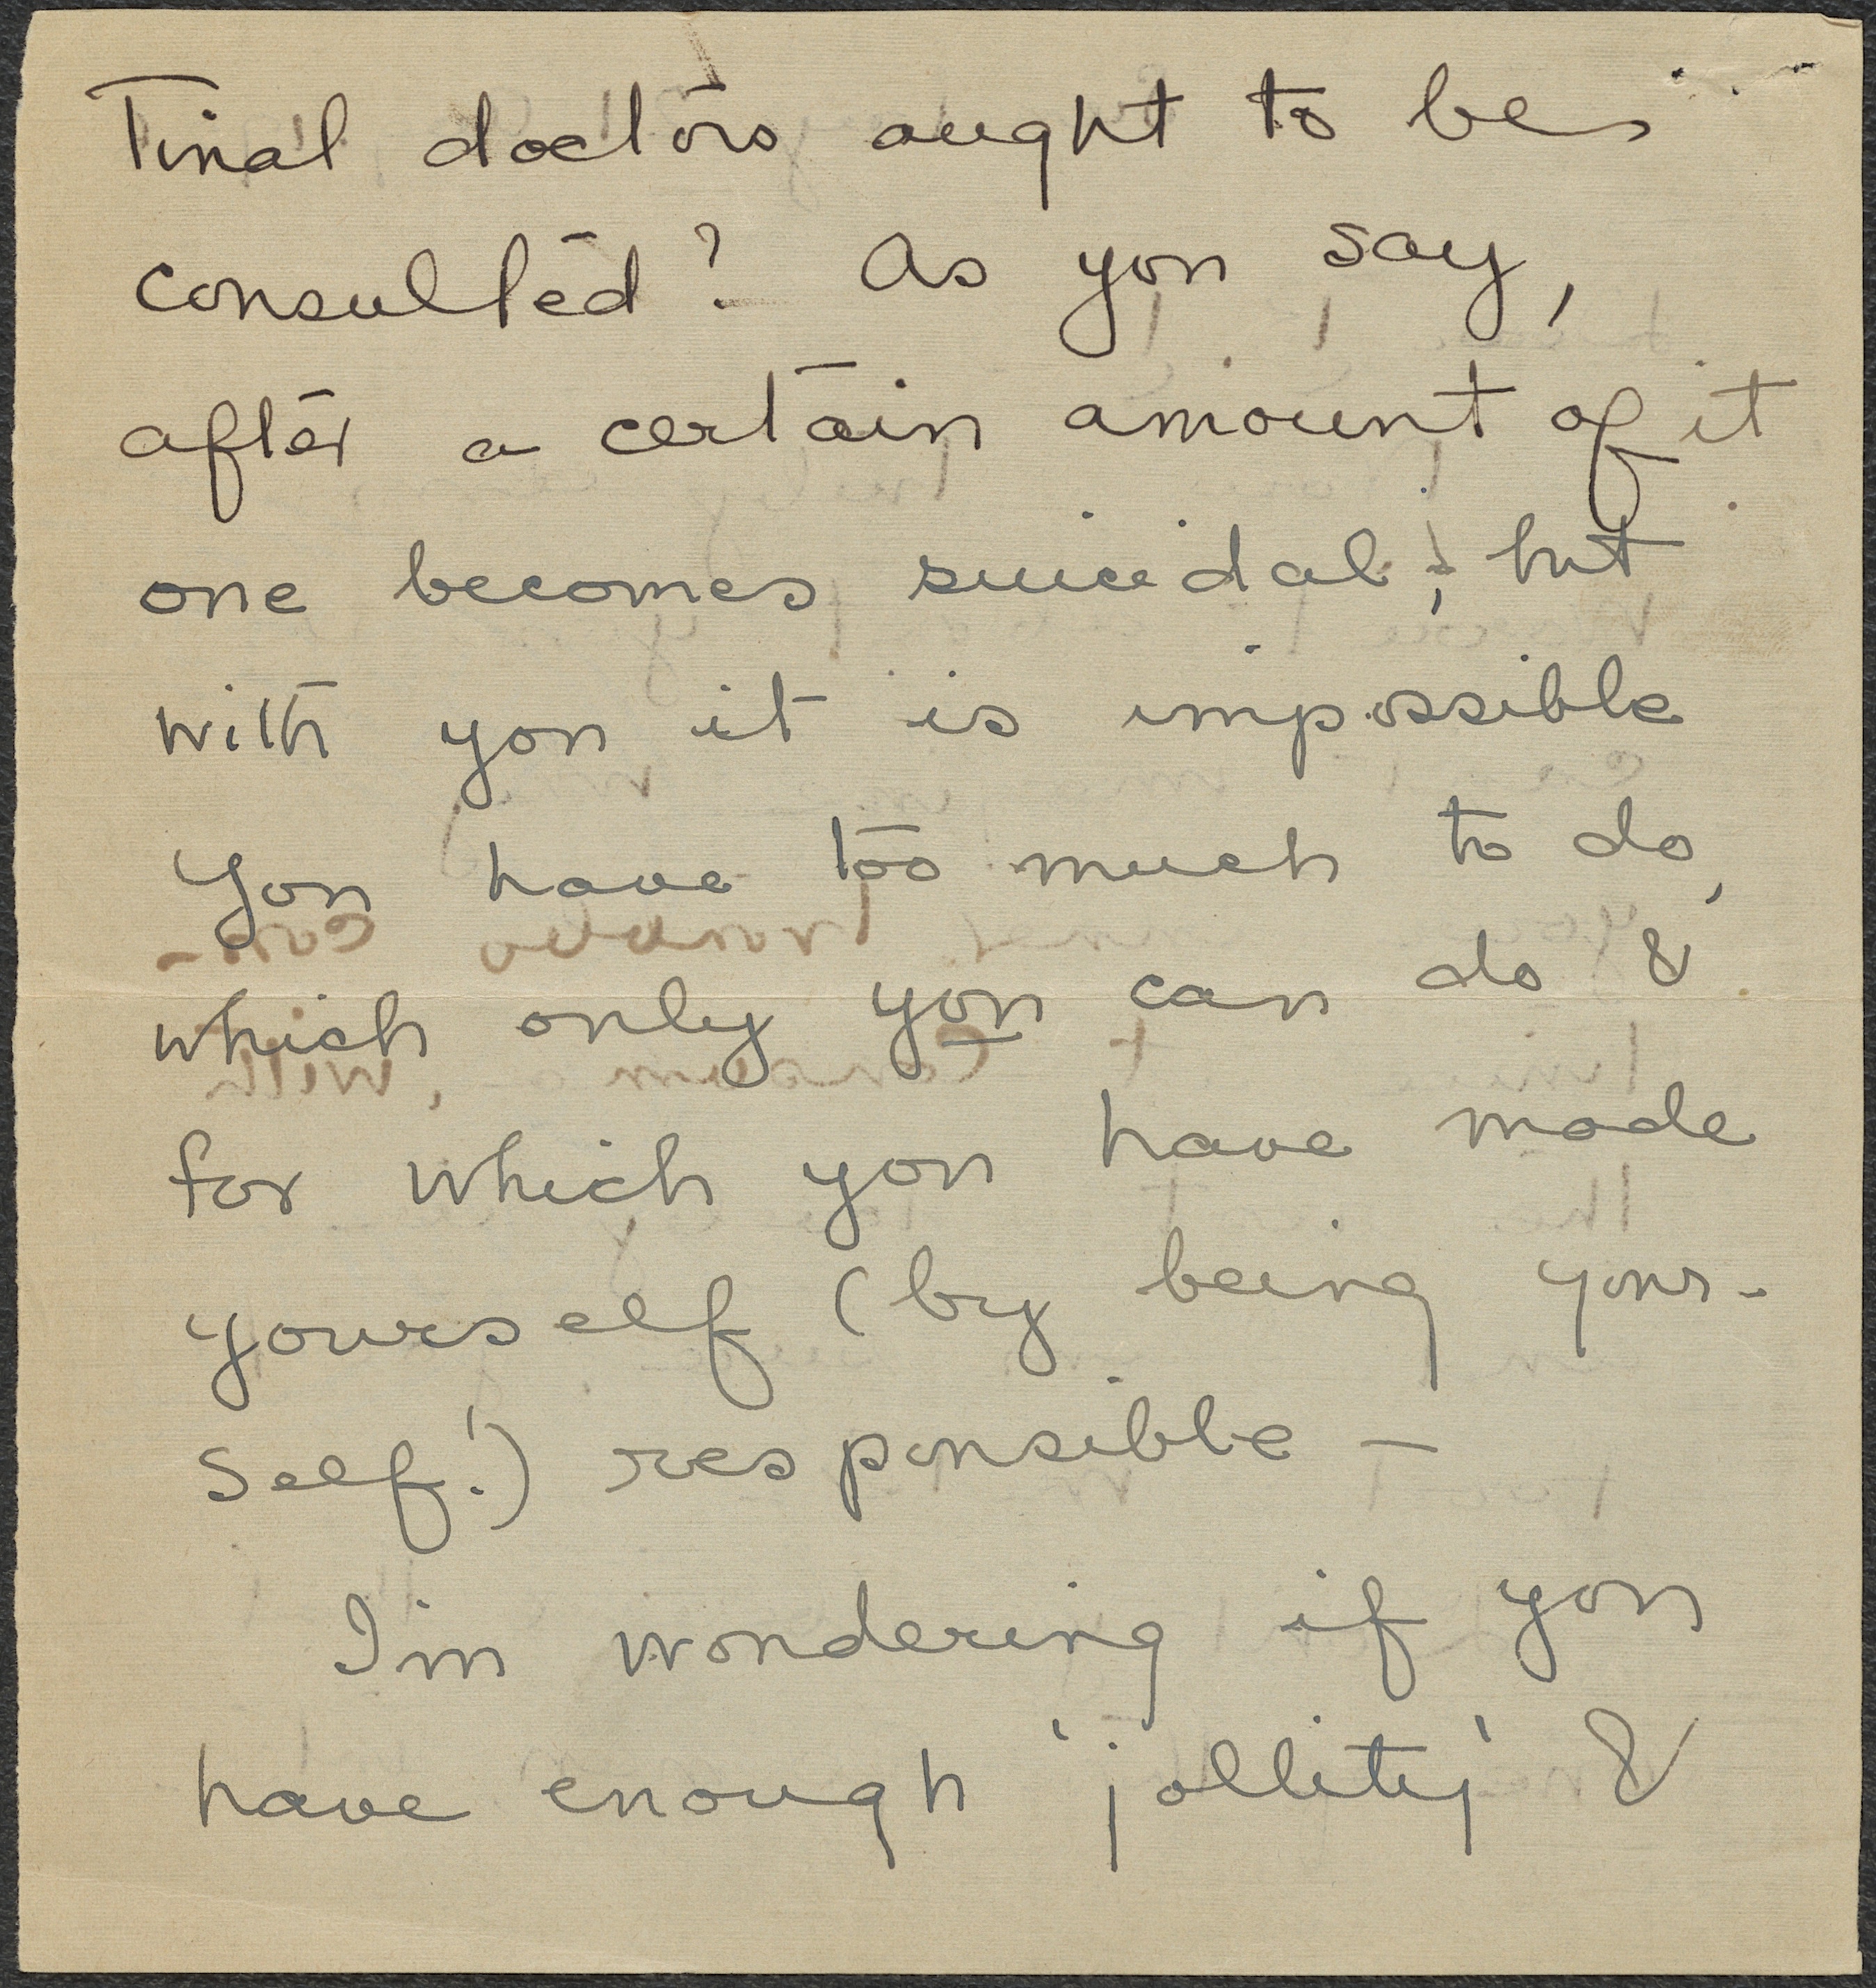doctors ought to be consulted? As you say, after a certain amount of it one becomes suicidal, but with you it is impossible You have too much to do, which only you can do & for which you have made yourself (by being yourself!) responsible –
I’m wondering if you have enough ‘jollity’ &